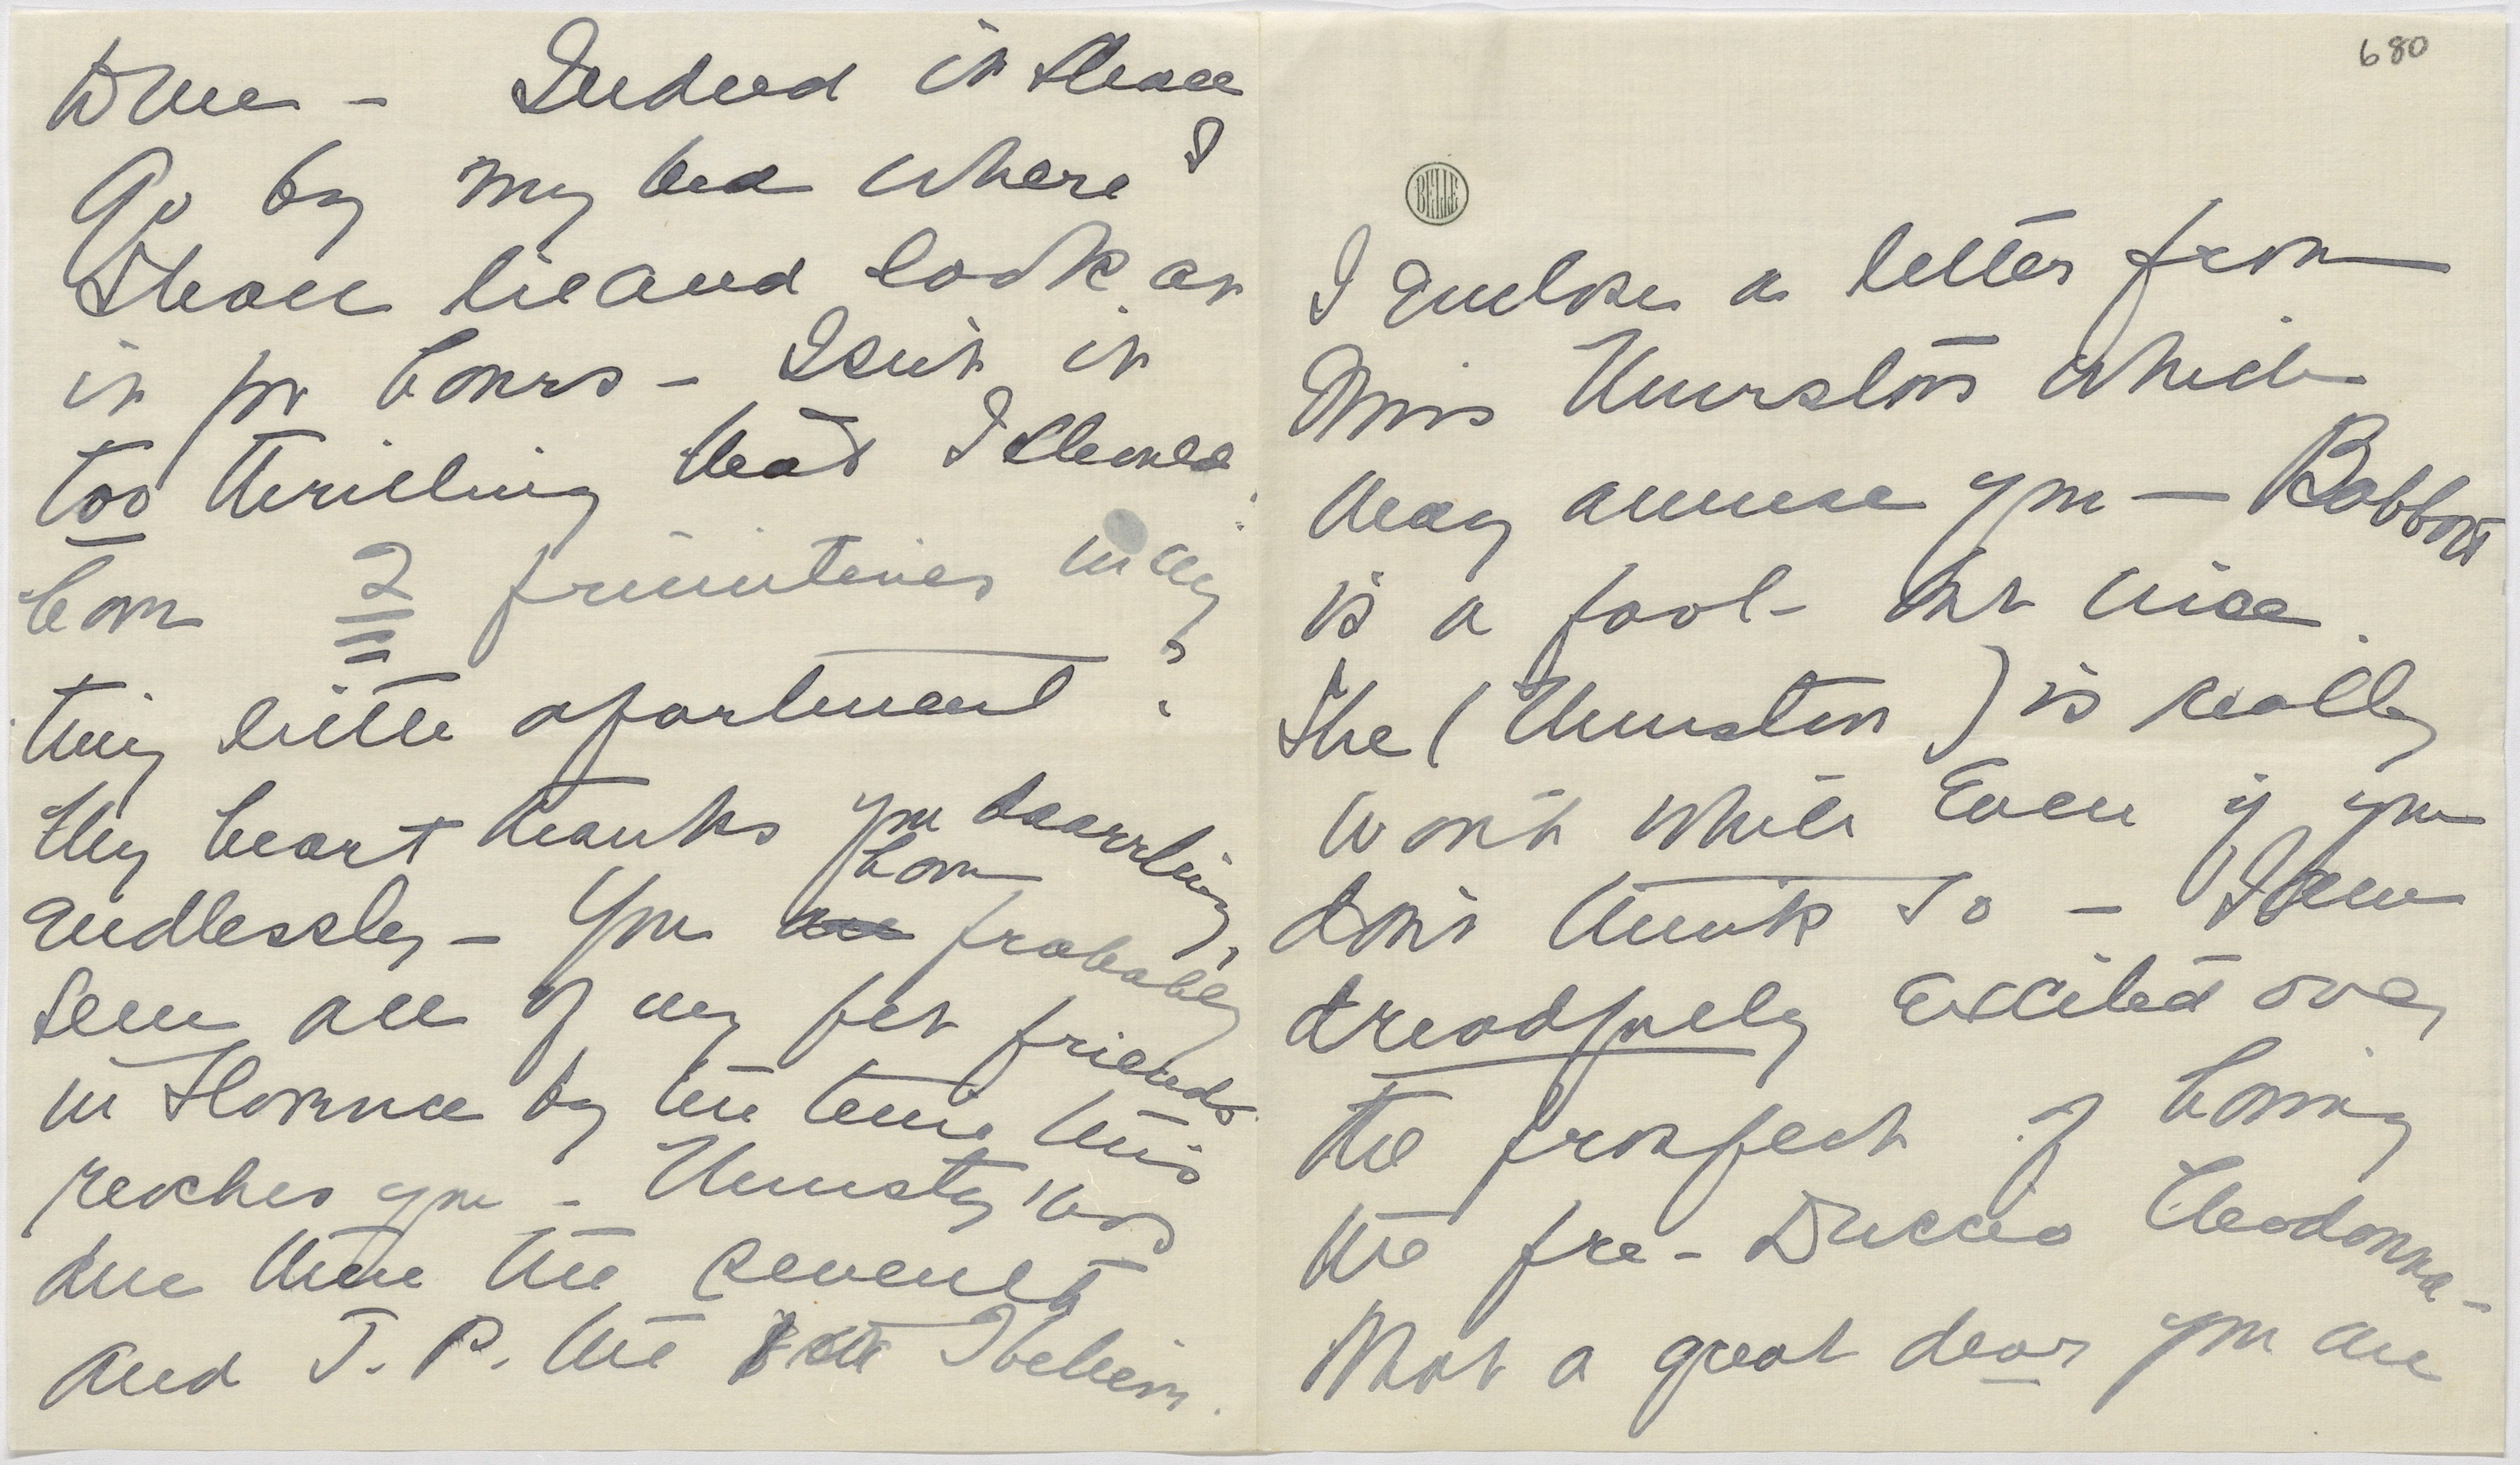I enclose a letter from Miss Thurston which may amuse you – Babbott is a fool – but wise.
She (Thurston) is really worth while even if you don’t think so – I am dreadfully excited over the prospect of having the pre-Duccio Madonna – What a great dear you are
to me – Indeed it shall go by my bed where I shall lie and look at it for hours – Isn’t it too thrilling that I should have [triple underlined: 2] primitives in my tiny little apartment? My heart thanks you daarrling, endlessly – You are [^have^] probably seen all of my pet friends in Florence by the time this reaches you – Thursty was due there the seventh and J. P. the 8th 1st I believe.